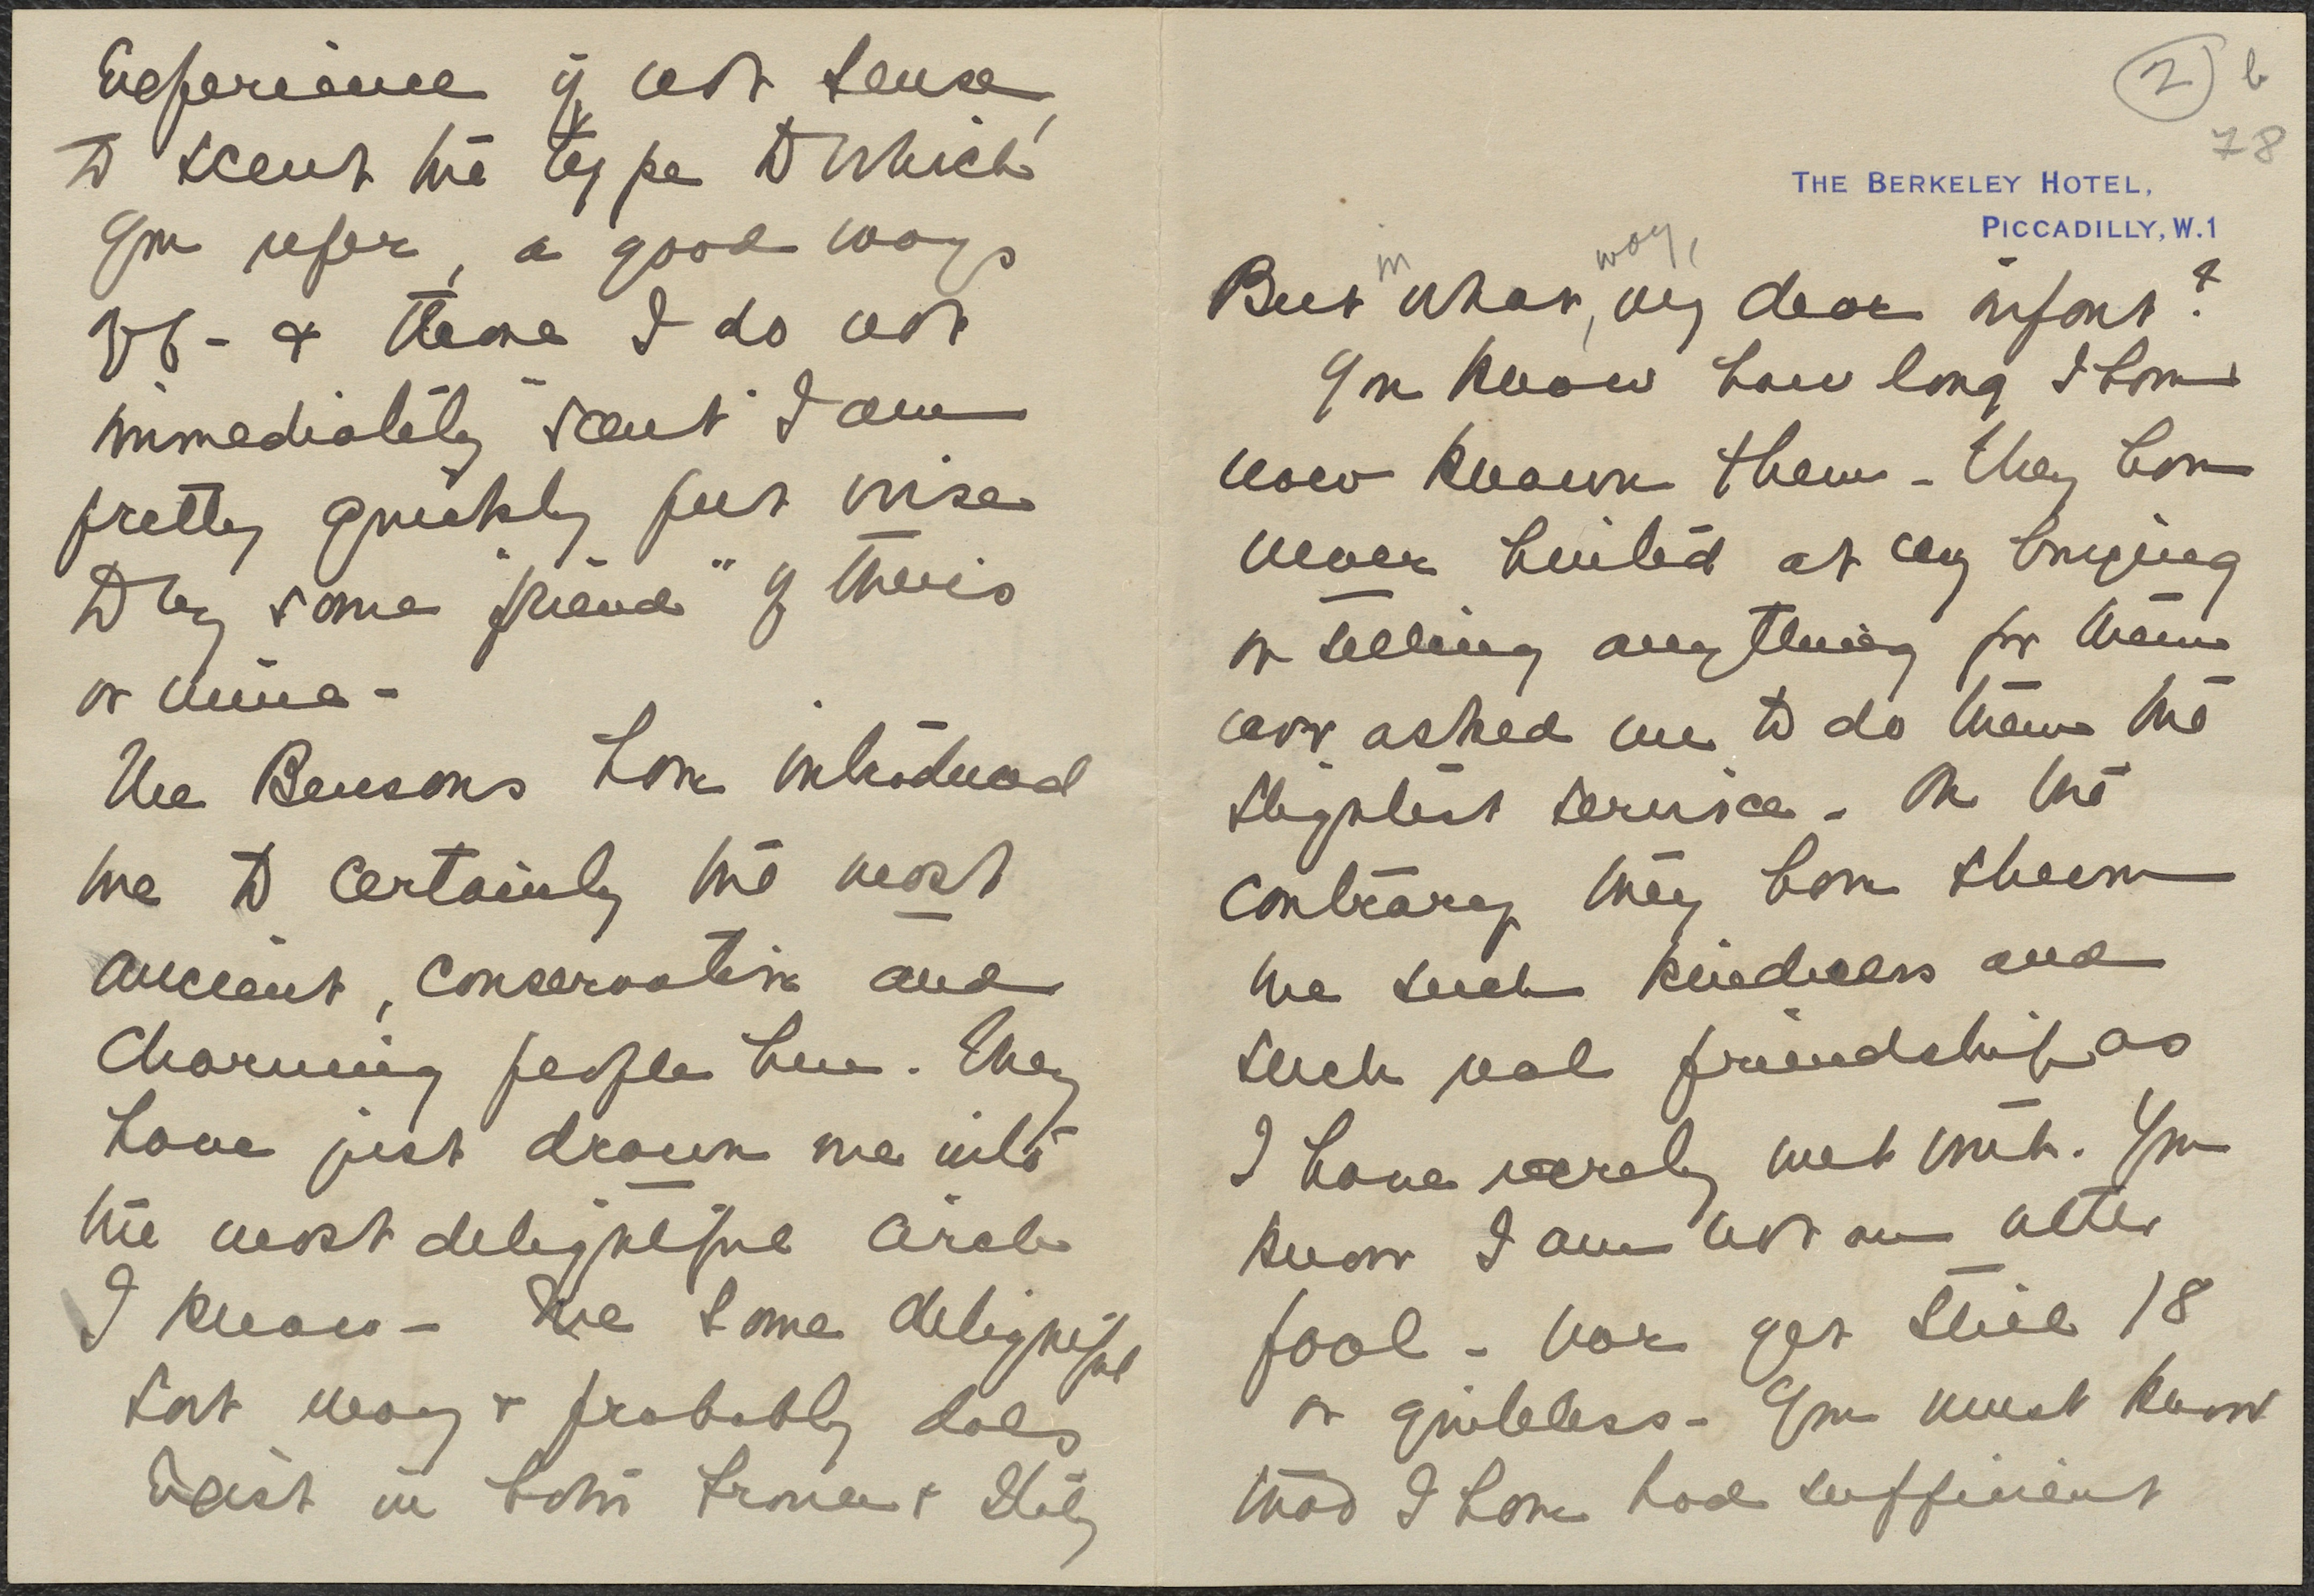But [^in^] what [^way,^] my dear infant?
You know how long I have now known them – They have never hinted at my buying or selling anything for them nor asked me to do them the slightest service – On the contrary they have shown me such kindness and such real friendship as I have rarely met with. You know I am not an utter fool – nor yet still 18 or guileless – You must know that I have had sufficient
experience if not sense to scent the type to which you refer, a good ways off – & those I do not immediately 'scent' I am pretty quickly put wise to by some "friend" of theirs or mine –
The Bensons have introduced me to certainly the most ancient, conservative and charming people here. They have just drawn me into the most delightful circle I know – The same delightful sort may & probably does exist in both France & Italy